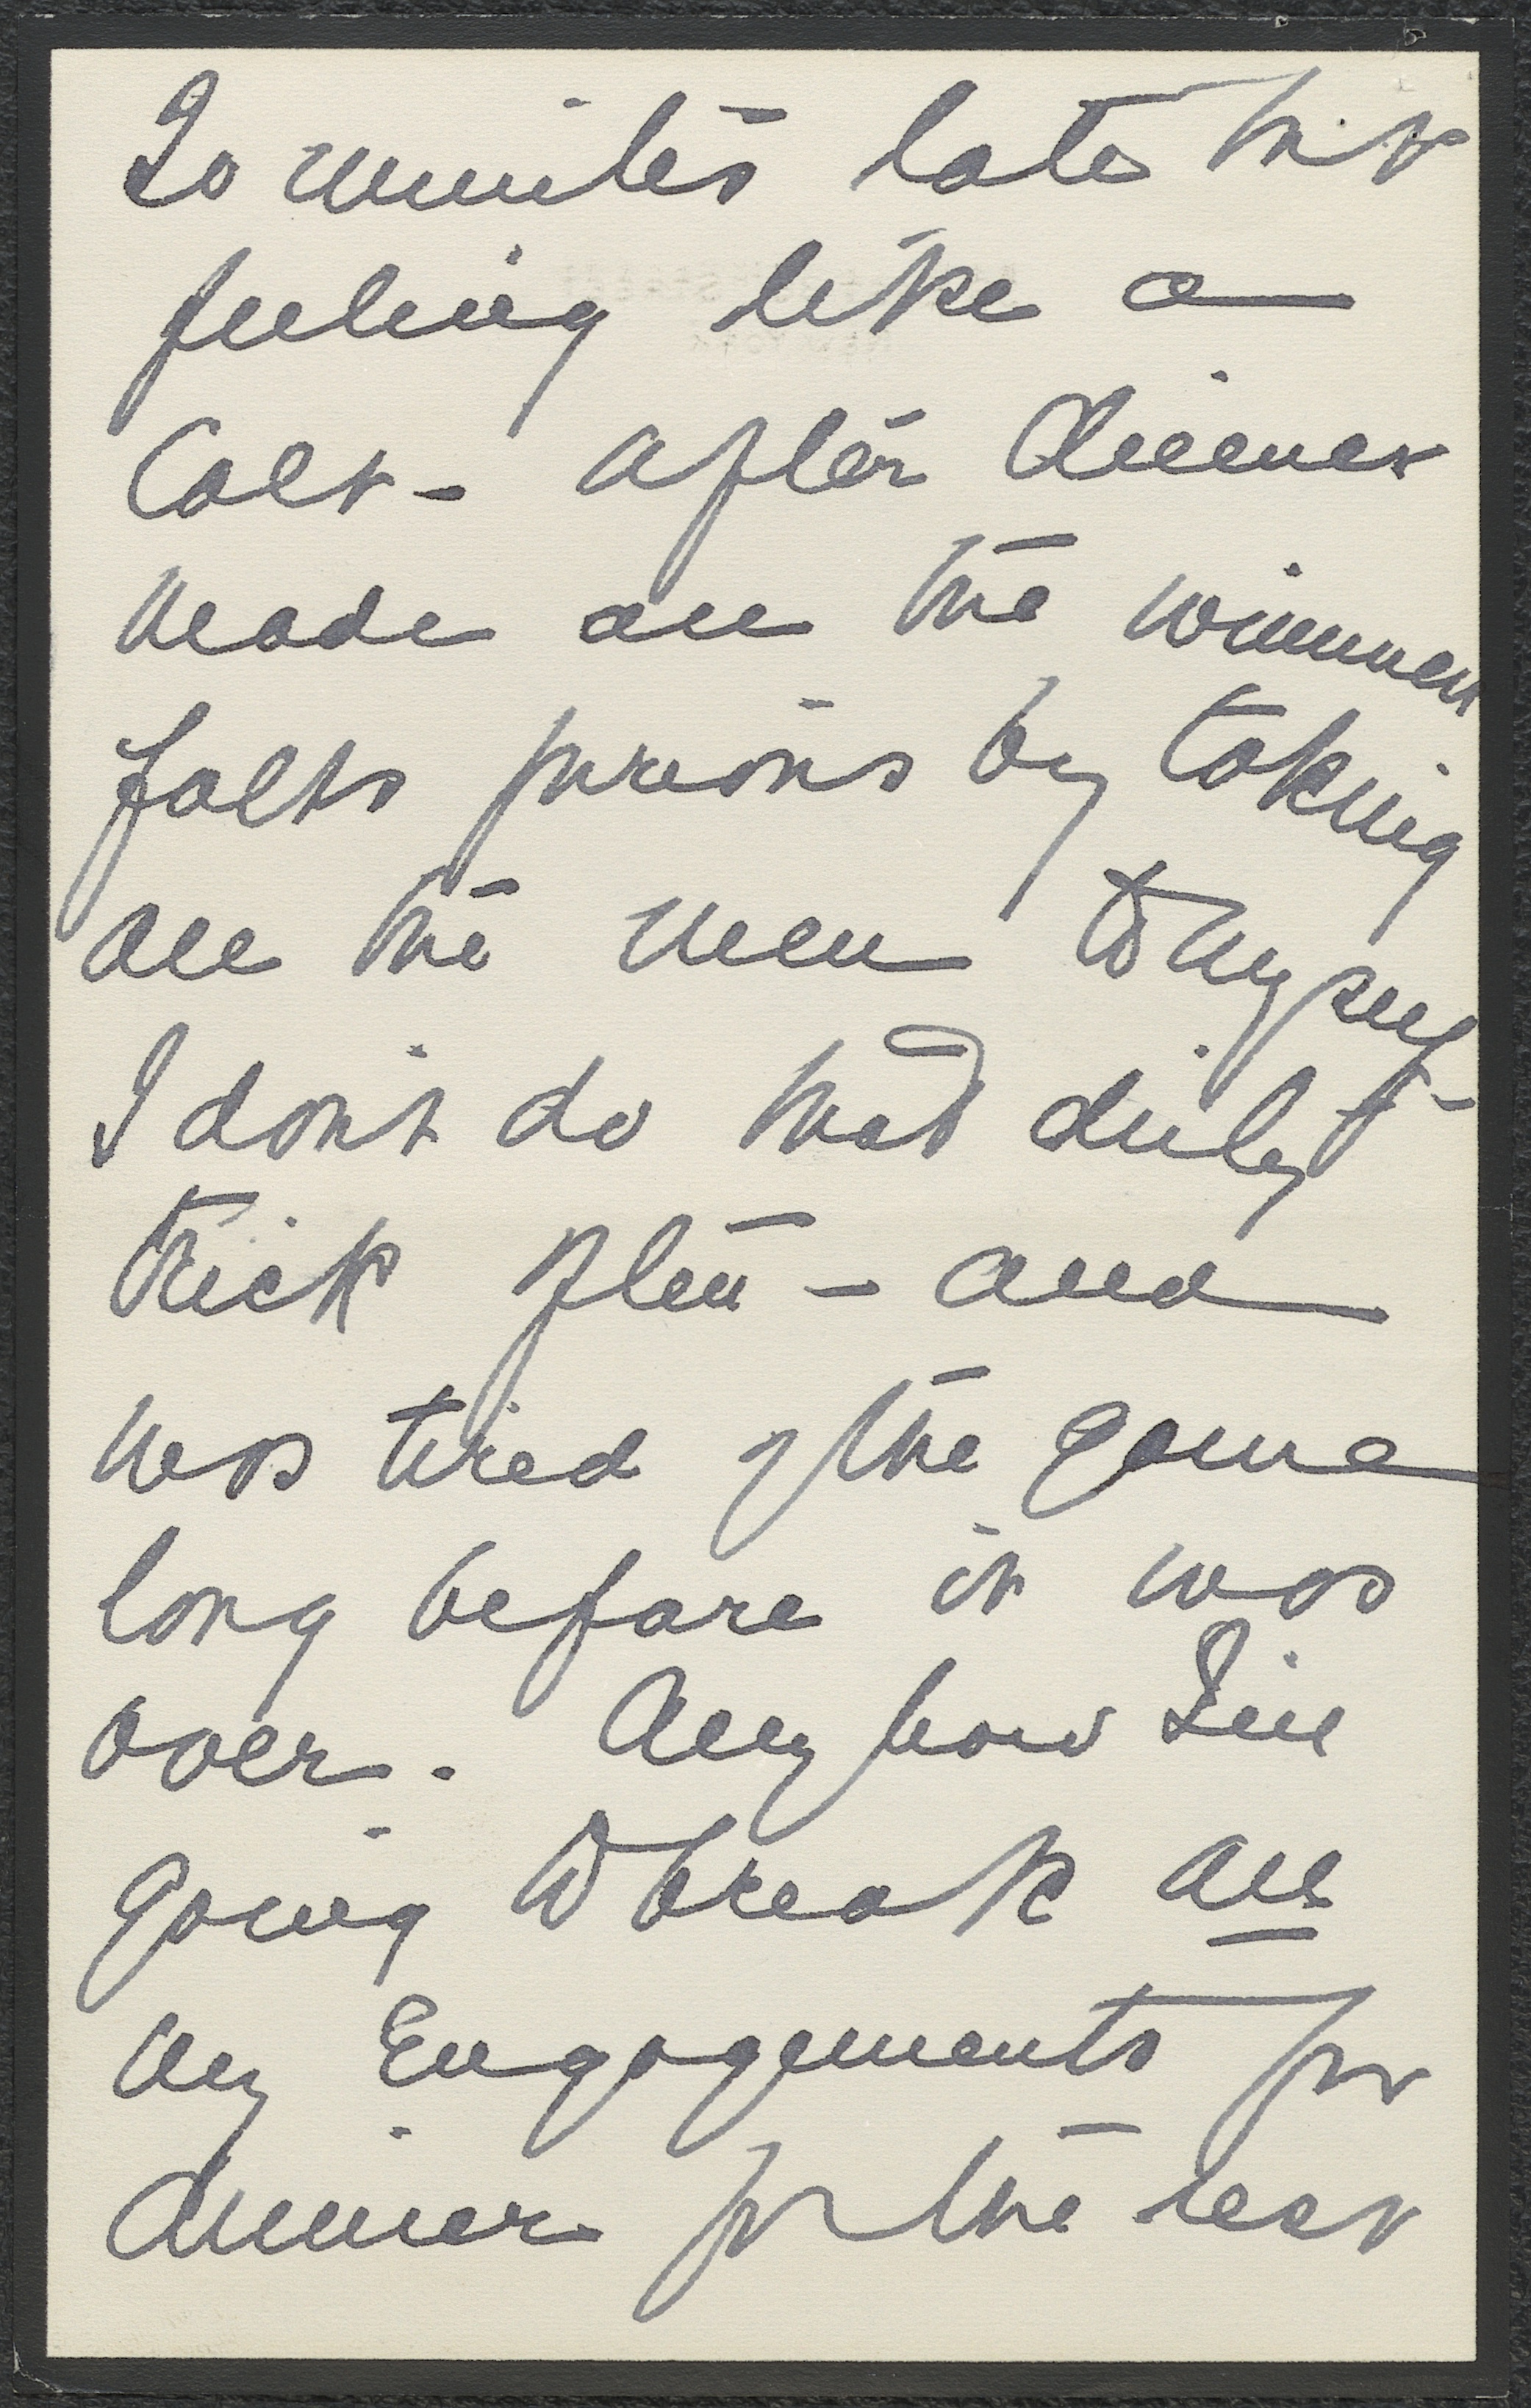20 minutes late but feeling like a colt – after dinner made all the wimmen folks furious by taking all the men to myself – I don’t do that dirty trick often – and was tired of the game long before it was over. Any how I’m going to break all my engagements for dinner for the rest